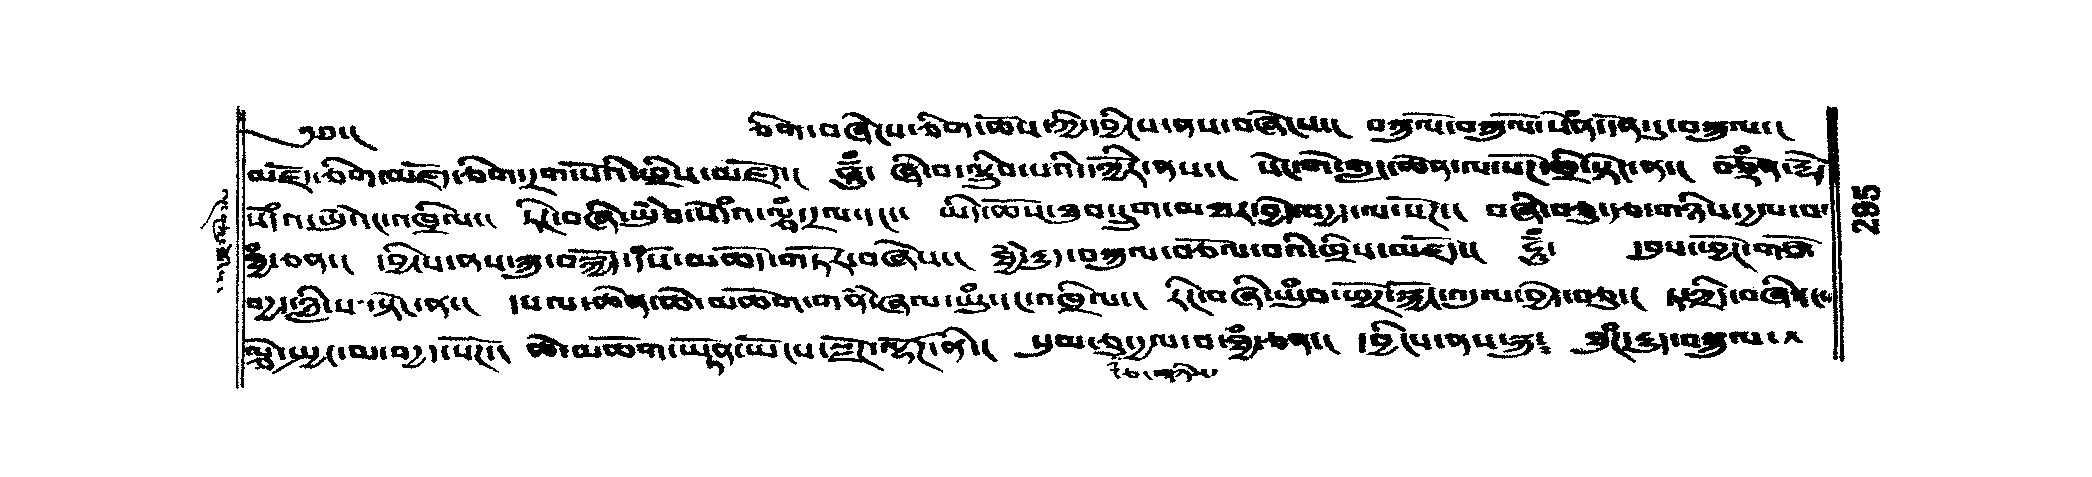ཤིག་བཞེངས་ཤིག་ཆོས་ཀྱི་དབྱིངས་ནས་བཞེངས། །བསྐུལ་ལོ་བསྐུལ་ལོ་སེམས་ཅན་དོན་དུ་བསྐུལ། །
མཛོད་ཅིག་མཛོད་ཅིག་དྲག་པོའི་ཕྲིན་ལས་མཛོད། །ཧཱུྃ། ཞི་བ་ལྷུན་གྱིས་གྲུབ་པའི་དཀྱིལ་འཁོར་ནས། །སེང་གེ་གླང་ཆེན་ལ་སོགས་ཁྲི་སྟེང་ན། །བཅོམ་ལྡན་རྡོ་རྗེ་
སེམས་དཔའི་ཡུམ་དང་འཁྲིལ། །རིགས་བཞི་ཡབ་ཡུམ་སེམས་དཔའ་ལྕམ་དྲལ་དང་། །ཡིད་ཆོས་ཐུབ་དྲུག་མཐར་བྱེད་བརྒྱད་ལ་སོགས། །བཞི་བཅུ་རྩ་གཉིས་རྒྱལ་བ་
ཐུགས་དམ་ཅན། །དབྱིངས་ནས་སྐུ་བསྐྱོད་དམ་རྫས་མཆོད་གཏོར་བཞེས། །ཐུགས་དམ་རྒྱུད་བསྐུལ་བཅོལ་བའི་ཕྲིན་ལས་མཛོད། །ཧཱུྃ། དབུས་ཕྱོགས་གཙོ་
བརྒྱད་ཉི་ཟླ་ས་སྟེང་ན། །དཔལ་ཆེན་ཆེ་མཆོག་གནམ་ཞལ་ཡུམ་དང་འཁྲིལ། །རིགས་བཞི་ཡབ་ཡུམ་ཕྱོགས་སྐྱོང་འདུལ་བྱེད་བཅུ། །ཏ་ཀྲིད་བཞི་དང་
ལྕེ་སྤྱང་མ་བརྒྱད་སོགས། །ཆེ་མཆོག་ཡོན་ཏན་ཡོངས་རྫོགས་ལྷ་ཚོགས་ནི། ། སུམ་ཅུ་རྩ་གཉིས་རྒྱལ་བ་ཐུགས་དམ་ཅན། །དབྱིངས་ནས་སྐུ་༴ ཐུགས་དམ་རྒྱུད་བསྐུལ་༴